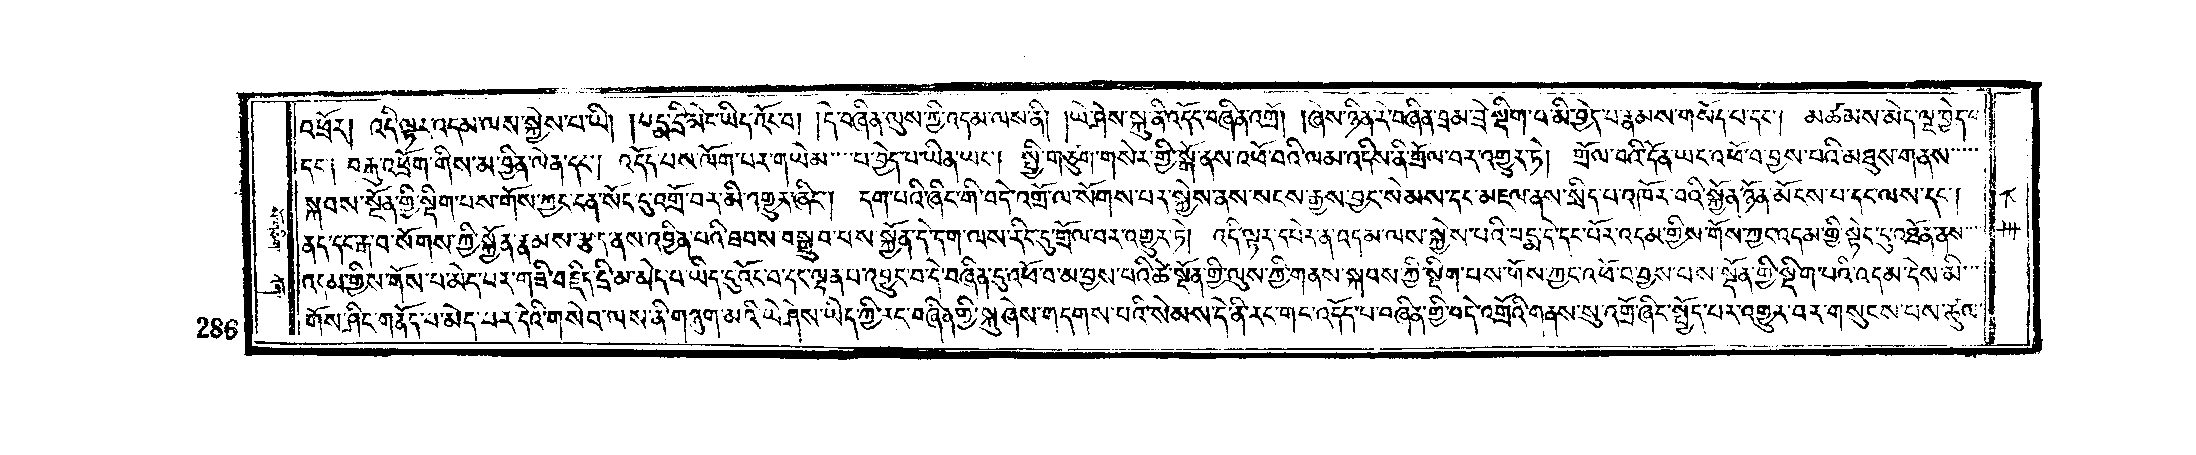འཕྲོར། འདི་ལྟར་འདམ་ལས་སྐྱེས་པ་ཡི། །པདམ་དྲི་མེད་ཡིད་འོང་བ། །དེ་བཞིན་ལུས་ཀྱི་འདམ་ལས་ནི། །ཡེ་ཤེས་སྐུ་ནི་འདོང་བཞིན་འགྲོ། །ཞེས་ཉིན་རེ་བཞིན་བྲམ་ཟེ་སྡིག་པ་མི་བྱེད་པ་རྣམས་གསོད་པ་དང་། མཚམས་མེད་ལྔ་བྱེད་པ་
དང་། བརྒུ་འཕྲོག་གིས་མ་བྱིན་ལེན་དང་། འདོད་པས་ལོག་པར་གཡེམ་པ་བྱེད་པ་ཡིན་ཡང་། སྤྱི་གཙུག་གསེར་གྱི་སྒོ་ནས་འཕོ་བའི་ལམ་འདིས་ནི་གྲོལ་བར་འགྱུར་ཏེ། གྲོལ་བའི་དོན་ཡང་འཕོ་བ་བྱས་པའི་མཐུས་གནས་
སྐབས་སྔོན་གྱི་སྡིག་པས་གོས་ཀྱང་ངན་སོང་དུ་འགྲོ་བར་མི་འགྱུར་ཞིང་། དག་པའི་ཞིང་གི་བདེ་འགྲོ་ལ་སོགས་པར་སྐྱེས་ནས་སངས་རྒྱས་བྱང་སེམས་དང་མཇལ་ནས་སྲིད་པ་འཁོར་བའི་སྐྱོན་ཉོན་མོངས་པ་དང་ལས་དང་།
ནད་དང་རྒ་བ་སོགས་ཀྱི་སྐྱོན་རྣམས་རྩད་ནས་འབྱིན་པའི་ཐབས་བསྒྲུབ་པས་སྐྱོན་དེ་དག་ལས་རིང་དུ་གྲོལ་བར་འགྱུར་ཏེ། འདི་ལྟར་དཔེར་ན་འདམ་ལས་སྐྱེས་པའི་པདམ་དེ་དང་པོར་འདམ་གྱིས་གོས་ཀྱང་འདམ་གྱི་སྟེང་དུ་འཐོན་ནས་
འདམ་གྱིས་གོས་པ་མེད་པར་གཟི་བརྗིད་དྲི་མ་མེད་པ་ཡིད་དུ་འོང་བ་དང་ལྡན་པ་འབྱུང་བ་དེ་བཞིན་དུ་འཕོ་བ་མ་བྱས་པའི་ཚེ་སྔོན་གྱི་ལུས་ཀྱི་གནས་སྐབས་ཀྱི་སྡིག་པས་གོས་ཀྱང་འཕོ་བ་བྱས་པས་སྔོན་གྱི་སྡིག་པའི་འདམ་དེས་མི་
གོས་ཤིང་གནོད་པ་མེད་པར་དེའི་གསེབ་ལས་ནི་གཉུག་མའི་ཡེ་ཤེས་ཡིད་ཀྱི་རང་བཞིན་གྱི་སྐུ་ཞེས་གདགས་པའི་སེམས་དེ་ནི་རང་གང་འདོད་པ་བཞིན་གྱི་བདེ་འགྲོའི་གནས་སུ་འགྲོ་ཞིང་སྤྱོད་པར་འགྱུར་བར་གསུངས་པས་ཚུལ་